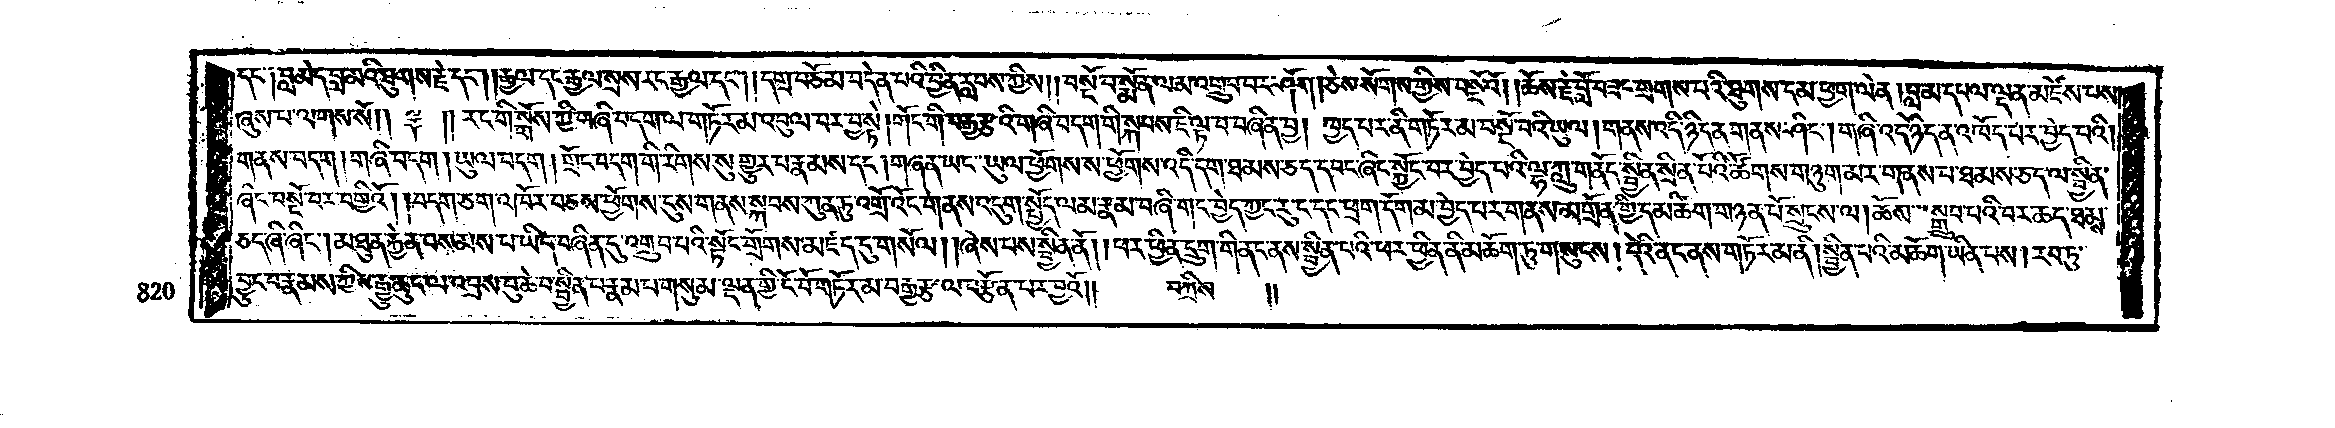དང་།བླ་མེད་བླ་མའི་ཐུགས་རྗེ་དང་། །རྒྱལ་དང་རྒྱལ་སྲས་རང་རྒྱལ་དང་། །དགྲ་བཅོམ་བདེན་པའི་བྱིན་རླབས་ཀྱིས། །བསྔོ་བ་སྨོན་ལམ་འགྲུབ་པར་ཤོག །ཅེས་སོགས་ཀྱིས་བསྔོའོ། །ཆོས་རྗེ་བློ་བཟང་གྲགས་པའི་ཐུགས་དམ་ཕྱག་ལེན། བླ་མ་དཔལ་ལྡན་མཛེས་པས་
ཞུས་པ་ལགས་སོ།། ༈ །།རང་གི་སྒོས་ཀྱི་གཞི་བདག་ལ་གཏོར་མ་འབུལ་བར་བྱ་སྟེ། གོང་གི་བརྒྱ་རྩའི་གཞི་བདག་གི་སྐབས་ཇི་ལྟ་བ་བཞིན་བྱ། ཁྱད་པར་ནི་གཏོར་མ་བསྔོ་བའི་ཡུལ། གནས་འདི་ཉིད་ན་གནས་ཤིང་། གཞི་འདི་ཉིད་ན་འཁོད་པར་བྱེད་པའི།
གནས་བདག །གཞི་བདག །ཡུལ་བདག །གྲོང་བདག་གི་རིགས་སུ་གྱུར་པ་རྣམས་དང་། གཞན་ཡང་ཡུལ་ཕྱོགས་ས་ཕྱོགས་འདི་དག་ཐམས་ཅད་དབང་ཞིང་སྐྱོང་བར་བྱེད་པའི་ལྷ་ཀླུ་གནོད་སྦྱིན་སྲིན་པོའི་ཚོགས་གཉུག་མར་གནས་པ་ཐམས་ཅད་ལ་སྦྱིན་
ཞིང་བསྔོ་བར་བགྱིའོ། །བདག་ཅག་འཁོར་བཅས་ཕྱོགས་དུས་གནས་སྐབས་ཀུན་ཏུ་འགྲོ་འོང་གནས་འདུག་སྤྱོད་ལམ་རྣམ་བཞི་གང་བྱེད་ཀྱང་རུ་ང་དང་ཕྲག་དོག་མ་བྱེད་པར་གནས་མགྲོན་གྱི་དམ་ཚིག་གཉན་པོ་སྲུངས་ལ། ཆོས་སྒྲུབ་པའི་བར་ཆད་ཐམས་
ཅད་ཞི་ཞིང་། མཐུན་རྐྱེན་བསམས་པ་ཡིད་བཞིན་དུ་འགྲུབ་པའི་སྟོང་གྲོགས་མཛད་དུ་གསོལ། །ཞེས་པས་སྦྱིན་ནོ། །ཕར་ཕྱིན་དྲུག་གི་ནང་ནས་སྦྱིན་པའི་ཕར་ཕྱིན་ནི་མཆོག་ཏུ་གསུངས། དེའི་ནང་ནས་གཏོར་མ་ནི། སྦྱིན་པའི་མཆོག་ཡིན་པས། རབ་ཏུ་
བྱུང་བ་རྣམས་ཀྱིས་རྒྱུ་ཆུང་ལ་འབྲས་བུ་ཆེ་བ་སྦྱིན་པ་རྣམ་པ་གསུམ་ལྡན་གྱི་ངོ་བོ་གཏོར་མ་བརྒྱ་རྩ་ལ་བརྩོན་པར་བྱའོ།། བཀྲིས་།།